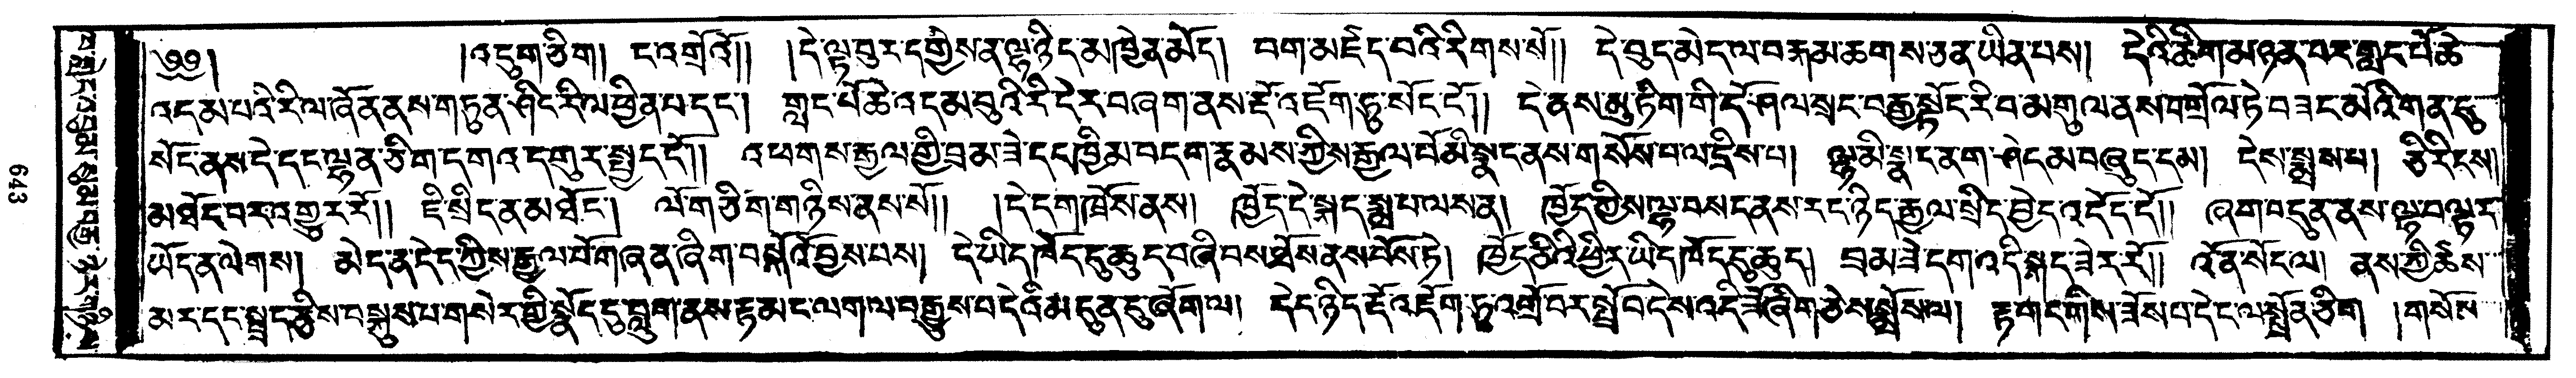༄༅། །འདུག་ཅིག། ང་འགྲོའོ།། །དེ་ལྟ་བུར་དགྱིས་ན་ལྷ་ཉིད་མཁྱེན་མོད། བག་མཛད་བའི་རིགས་སོ།། དེ་བུད་མེད་ལ་བརྐམ་ཆགས་ཅན་ཡིན་པས། དེའི་ཚིག་མཉན་བར་གླང་པོ་ཆེ་
འདམ་པའི་རི་ལ་ཞོན་ནས་གཏུན་ཤིང་རི་ལ་ཕྱིན་པ་དང་། གླང་པོ་ཆེ་འདམ་བུའི་རི་དེར་བཞག་ནས་རྡོ་འཇོག་ཏུ་སོང་ངོ།། དེ་ནས་མུ་ཏིག་གི་དོ་ཤལ་སྲང་བརྒྱ་སྟོང་རི་བ་མགུལ་ནས་བགྲོལ་ཏེ་བཟང་མོའི་གན་དུ་
སོང་ནས་དེ་དང་ལྷན་ཅིག་དགའ་དགུར་སྤྱད་དོ།། འཕགས་རྒྱལ་གྱི་བྲམ་ཟེ་དང་ཁྱིམ་བདག་རྣམས་ཀྱིས་རྒྱལ་པོ་མི་སྣང་ནས་གསོས་པ་ལ་དྲིས་པ། ལྷ་མི་སྣང་ན་གཤེད་མ་བཞུད་དམ། དེས་སྨྲས་པ། ཅི་རིངས།
མཐོང་བར་འགྱུར་རོ།། ཇི་སྲིད་ན་མཐོང་། ལོ་གཅིག་གཉིས་ནས་སོ།། །དེ་དག་ཁྲོས་ནས། ཁྱོད་དེ་སྐད་སྨྲ་པ་ལས་ན། ཁྱོད་ཀྱིས་ལྷ་བསད་ནས་རང་ཉིད་རྒྱལ་སྲིད་བྱེད་འདོད་དོ།། ཞག་བདུན་ནས་ལྷ་བལྟར་
ཡོད་ན་ལེགས། མེད་ན་དེད་ཀྱིས་རྒྱལ་པོ་གཞན་ཞིག་བསྐོའོ་བྱས་པས། དེ་ཡིད་ཁོང་དུ་ཆུད་བཞི་བས་ཐོས་ནས་བོས་ཏེ། ཁྱོད་ཅིའི་ཕྱིར་ཡིད་ཁོད་དུ་ཆུད། བྲམ་ཟེ་དག་འདི་སྐད་ཟེར་རོ།། འོ་ན་སོང་ལ། ནས་ཀྱི་ཚས་
མར་དང་སྦྲད་རྩིས་བསྐུས་པ་གསེར་གྱི་སྣོད་དུ་བླུག་ནས་རྟ་མང་ལག་ལ་བརྒྱུས་བ་དེའི་མདུན་དུ་ཞོག་ལ། དེང་ཉིད་རྡོ་འཇོག་ཏུ་འགྲོ་བར་སྤྲོ་བ་དེས་འདི་ཟོ་ཞིག་ཅེས་སྨྲོས་ལ། རྟ་གང་གིས་ཟོས་པ་དེ་ང་ལ་སྤྲོན་ཅིག །གསོས་